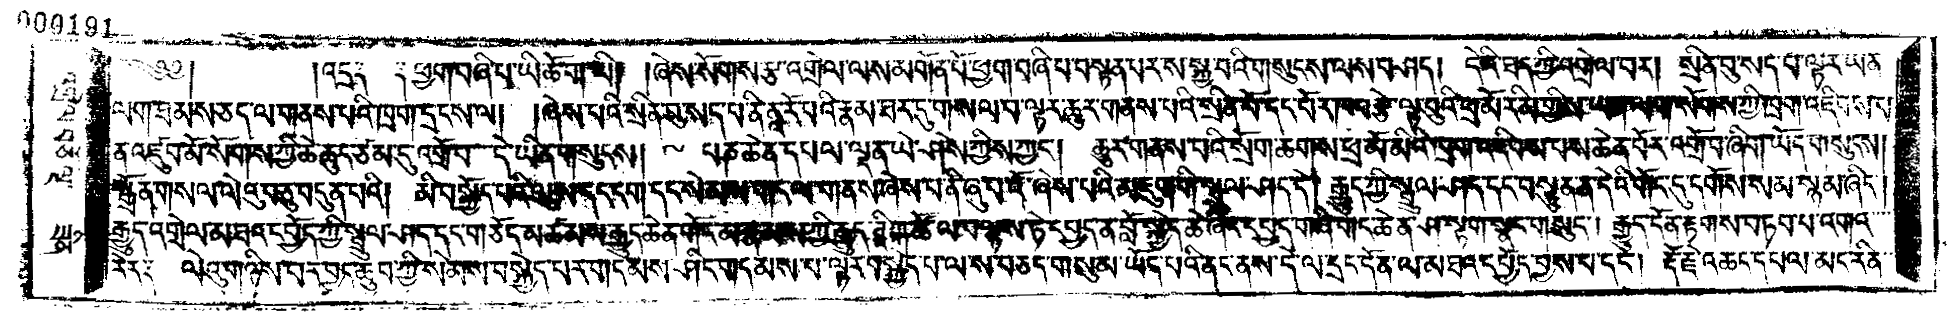༄༅། །འདྲ༑ ༑ཕྱག་བཞི་པ་ཡི་ཆོ་ག་ཡི། །ཞེས་སོགས་རྩ་འགྲེལ་ལས་མགོན་པོ་ཕྱག་བཞི་པ་བསྟན་པར་ས་སྐྱ་བའི་གསུངས་ལས་བཤད། དེའི་ཐད་ཀྱི་འགྲེལ་བར། སྲིན་བུ་སད་པ་ལྟར་ཡན་
ལག་ཐམས་ཅད་ལ་གནས་པའི་ཁྲག་དྲངས་ལ། །ཞེས་པའི་སྲིན་བུ་སད་པ་ནི་ནཱ་རོ་པའི་རྣམ་ཐར་དུ་གསལ་བ་ལྟར་ཆུར་གནས་པའི་སྲིན་པོ་དང་པོར་ཁབ་རྩེ་ལྟ་བུའི་ཕྲ་མོ་རིམ་གྱིས་ཡན་ལག་སོགས་ཀྱི་ཁྲག་འཇིབས་པ་
ན་འཛུབ་མོ་སོགས་ཀྱི་ཆེ་ཆུང་ཙམ་དུ་འགྲོ་བ་དེ་ཡིན་གསུངས། ༧་པཎ་ཆེན་དཔལ་ལྡན་ཡེ་ཤེས་ཀྱིས་ཀྱང་། ཆུར་གནས་པའི་སྲོག་ཆགས་ཕྲ་མོ་མིའི་ཁྲག་འཇིབས་པས་ཆེན་པོར་འགྲོ་བ་ཞིག་ཡོད་གསུངས།
སྒྲོན་གསལ་ལེའུ་བཅུ་བདུན་པའི། མི་བསྐྱོད་པའི་ལུས་དང་ངག་དང་སེམས་གང་ལ་གནས་ཞེས་པ་ནི་ཞུ་བའོ་ཞེས་པའི་མཇུག་གི་སྤྲུལ་ཤད་དེ། རྒྱུད་ཀྱི་སྤྲུལ་ཤད་དང་བསྟུན་ན་དེའི་གོང་དུ་དགོས་སམ་སྙམ་ཞིང་།
རྒྱུད་འགྲེལ་མཐའ་དཔྱོད་ཀྱི་སྤྲུལ་ཤད་དང་གཅོད་མཚམས་རྒྱུད་ཆེན་གོང་མ་རྣམས་ཀྱི་རྒྱུད་ཊཱིཀྐ་ཚོ་ལ་བལྟས་ཏེ་དཔྱད་ན་བློ་སྐྱེད་ཆེ་ཞིང་དཔྱད་གཞི་གང་ཆེན་ཤ་སྟག་སྣང་གསུང་། རྒྱུད་དོན་རྟགས་བཏབ་པ་འགའ་
རེར༑ ལེའུ་གཉིས་པར་བྱང་ཆུབ་ཀྱི་སེམས་བསྐྱེད་པར་གདམས་ཤིང་གདམས་པ་ལྟར་བསྐྱེད་པ་ལ་ས་བཅད་གསུམ་ཡོད་པའི་ནང་ནས་དེ་ལ་དྲང་དོན་ལ་མཐའ་དཔྱོད་བྱས་པ་དང་། རྡོ་རྗེ་འཆང་དཔལ་མང་རིན་